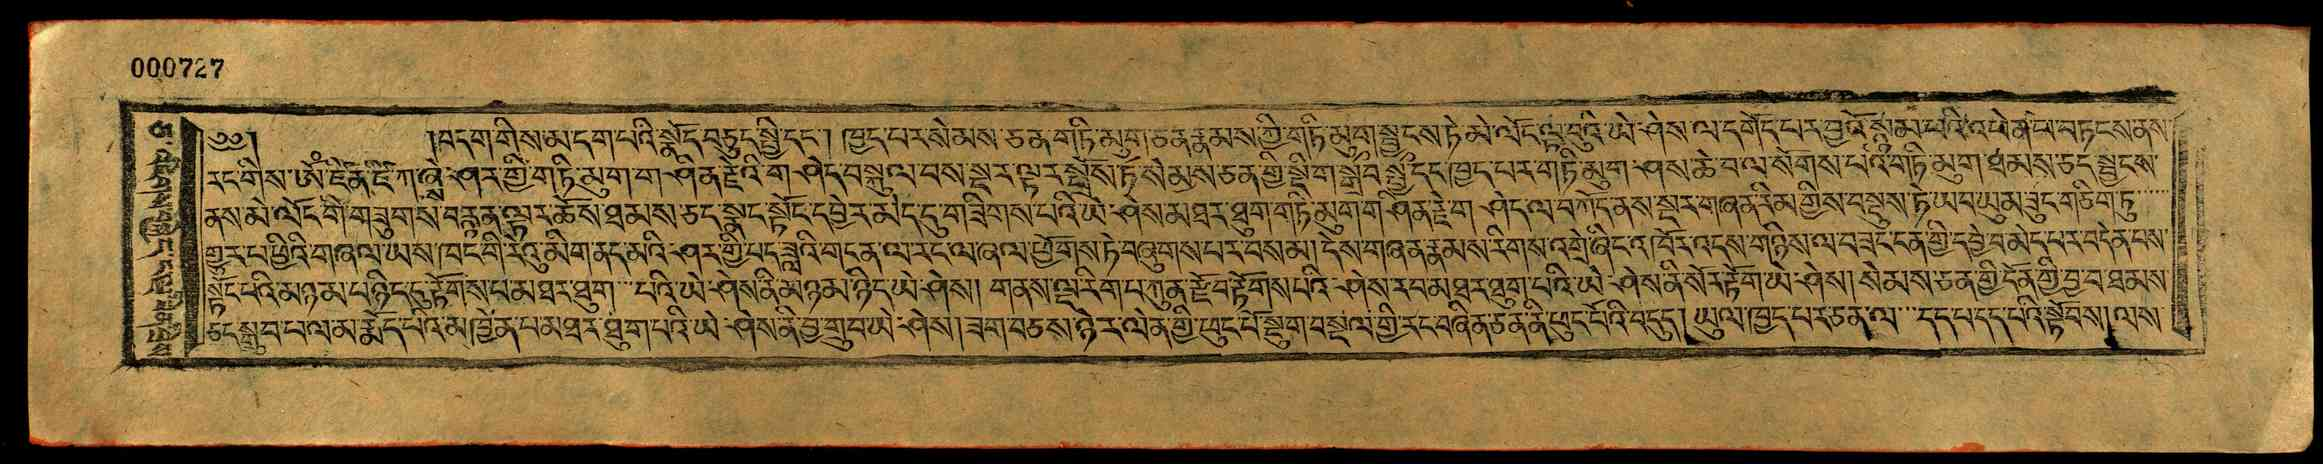༄༅། །བདག་གིས་མ་དག་པའི་སྣོད་བཅུད་སྤྱི་དང་། ཁྱད་པར་སེམས་ཅན་གཏི་མུག་ཅན་རྣམས་ཀྱི་གཏི་མུག་སྦྱངས་ཏེ་མེ་ལོང་ལྟ་བུའི་ཡེ་ཤེས་ལ་དགོད་པར་བྱའོ་སྙམ་པའི་འཕེན་པ་བཏངས་ནས་
རང་གིས་ཨོཾ་ཛིན་ཛི་ཀ་ཞེས་ཤར་གྱི་གཏི་མུག་གཤིན་རྗེའི་གཤེད་བསྐུལ་བས་སྔར་ལྟར་སྤྲོས་ཏེ་སེམས་ཅན་གྱི་སྡིག་སྒྲིབ་སྤྱི་དང་ཁྱད་པར་གཏི་མུག་ཤས་ཆེ་བ་ལ་སོགས་པའི་གཏི་མུག་ཐམས་ཅད་སྦྱངས་
ནས་མེ་ལོང་གི་གཟུགས་བརྙན་ལྟར་ཆོས་ཐམས་ཅད་སྣང་སྟོང་དབྱེར་མེད་དུ་གཟིགས་པའི་ཡེ་ཤེས་མཐར་ཐུག་གཏི་མུག་གཤིན་རྗེ་གཤེད་ལ་བཀོད་ནས་སྔར་བཞིན་རིམ་གྱིས་བསྡུས་ཏེ་ཡབ་ཡུམ་ཟུང་གཅིག་ཏུ་
གྱུར་པ་ཕྱིའི་གཞལ་ཡས་ཁང་གི་རེའུ་མིག་ནང་མའི་ཤར་གྱི་པད་ཟླའི་གདན་ལ་རང་ལ་ཞལ་ཕྱོགས་ཏེ་བཞུགས་པར་བསམ། དེས་གཞན་རྣམས་རིགས་འགྲེ་ཞིང་འཁོར་འདས་གཉིས་ལ་བཟང་ངན་གྱི་དབྱེ་བ་མེད་པར་བདེན་པས་
སྟོང་པའི་མཉམ་པ་ཉིད་དུ་རྟོགས་པ་མཐར་ཐུག་པའི་ཡེ་ཤེས་ནི་མཉམ་ཉིད་ཡེ་ཤེས། གནས་ལྔ་རིག་པ་ཀུན་རྫོབ་རྟོགས་པའི་ཤེས་རབ་མཐར་ཐུག་པའི་ཡེ་ཤེས་ནི་སོར་རྟོག་ཡེ་ཤེས། སེམས་ཅན་གྱི་དོན་གྱི་བྱ་བ་ཐམས་
ཅད་སྒྲུབ་པ་ལ་མ་རྨོངས་པའི་མཁྱེན་པ་མཐར་ཐུག་པའི་ཡེ་ཤེས་ནི་བྱ་གྲུབ་ཡེ་ཤེས། ཟག་བཅས་ཉེར་ལེན་གྱི་ཕུང་པོ་སྡུག་བསྔལ་གྱི་རང་བཞིན་ཅན་ནི་ཕུང་པོའི་བདུད། ཡུལ་ཁྱད་པར་ཅན་ལ་དད་པའི་སྟོབས། ལས་